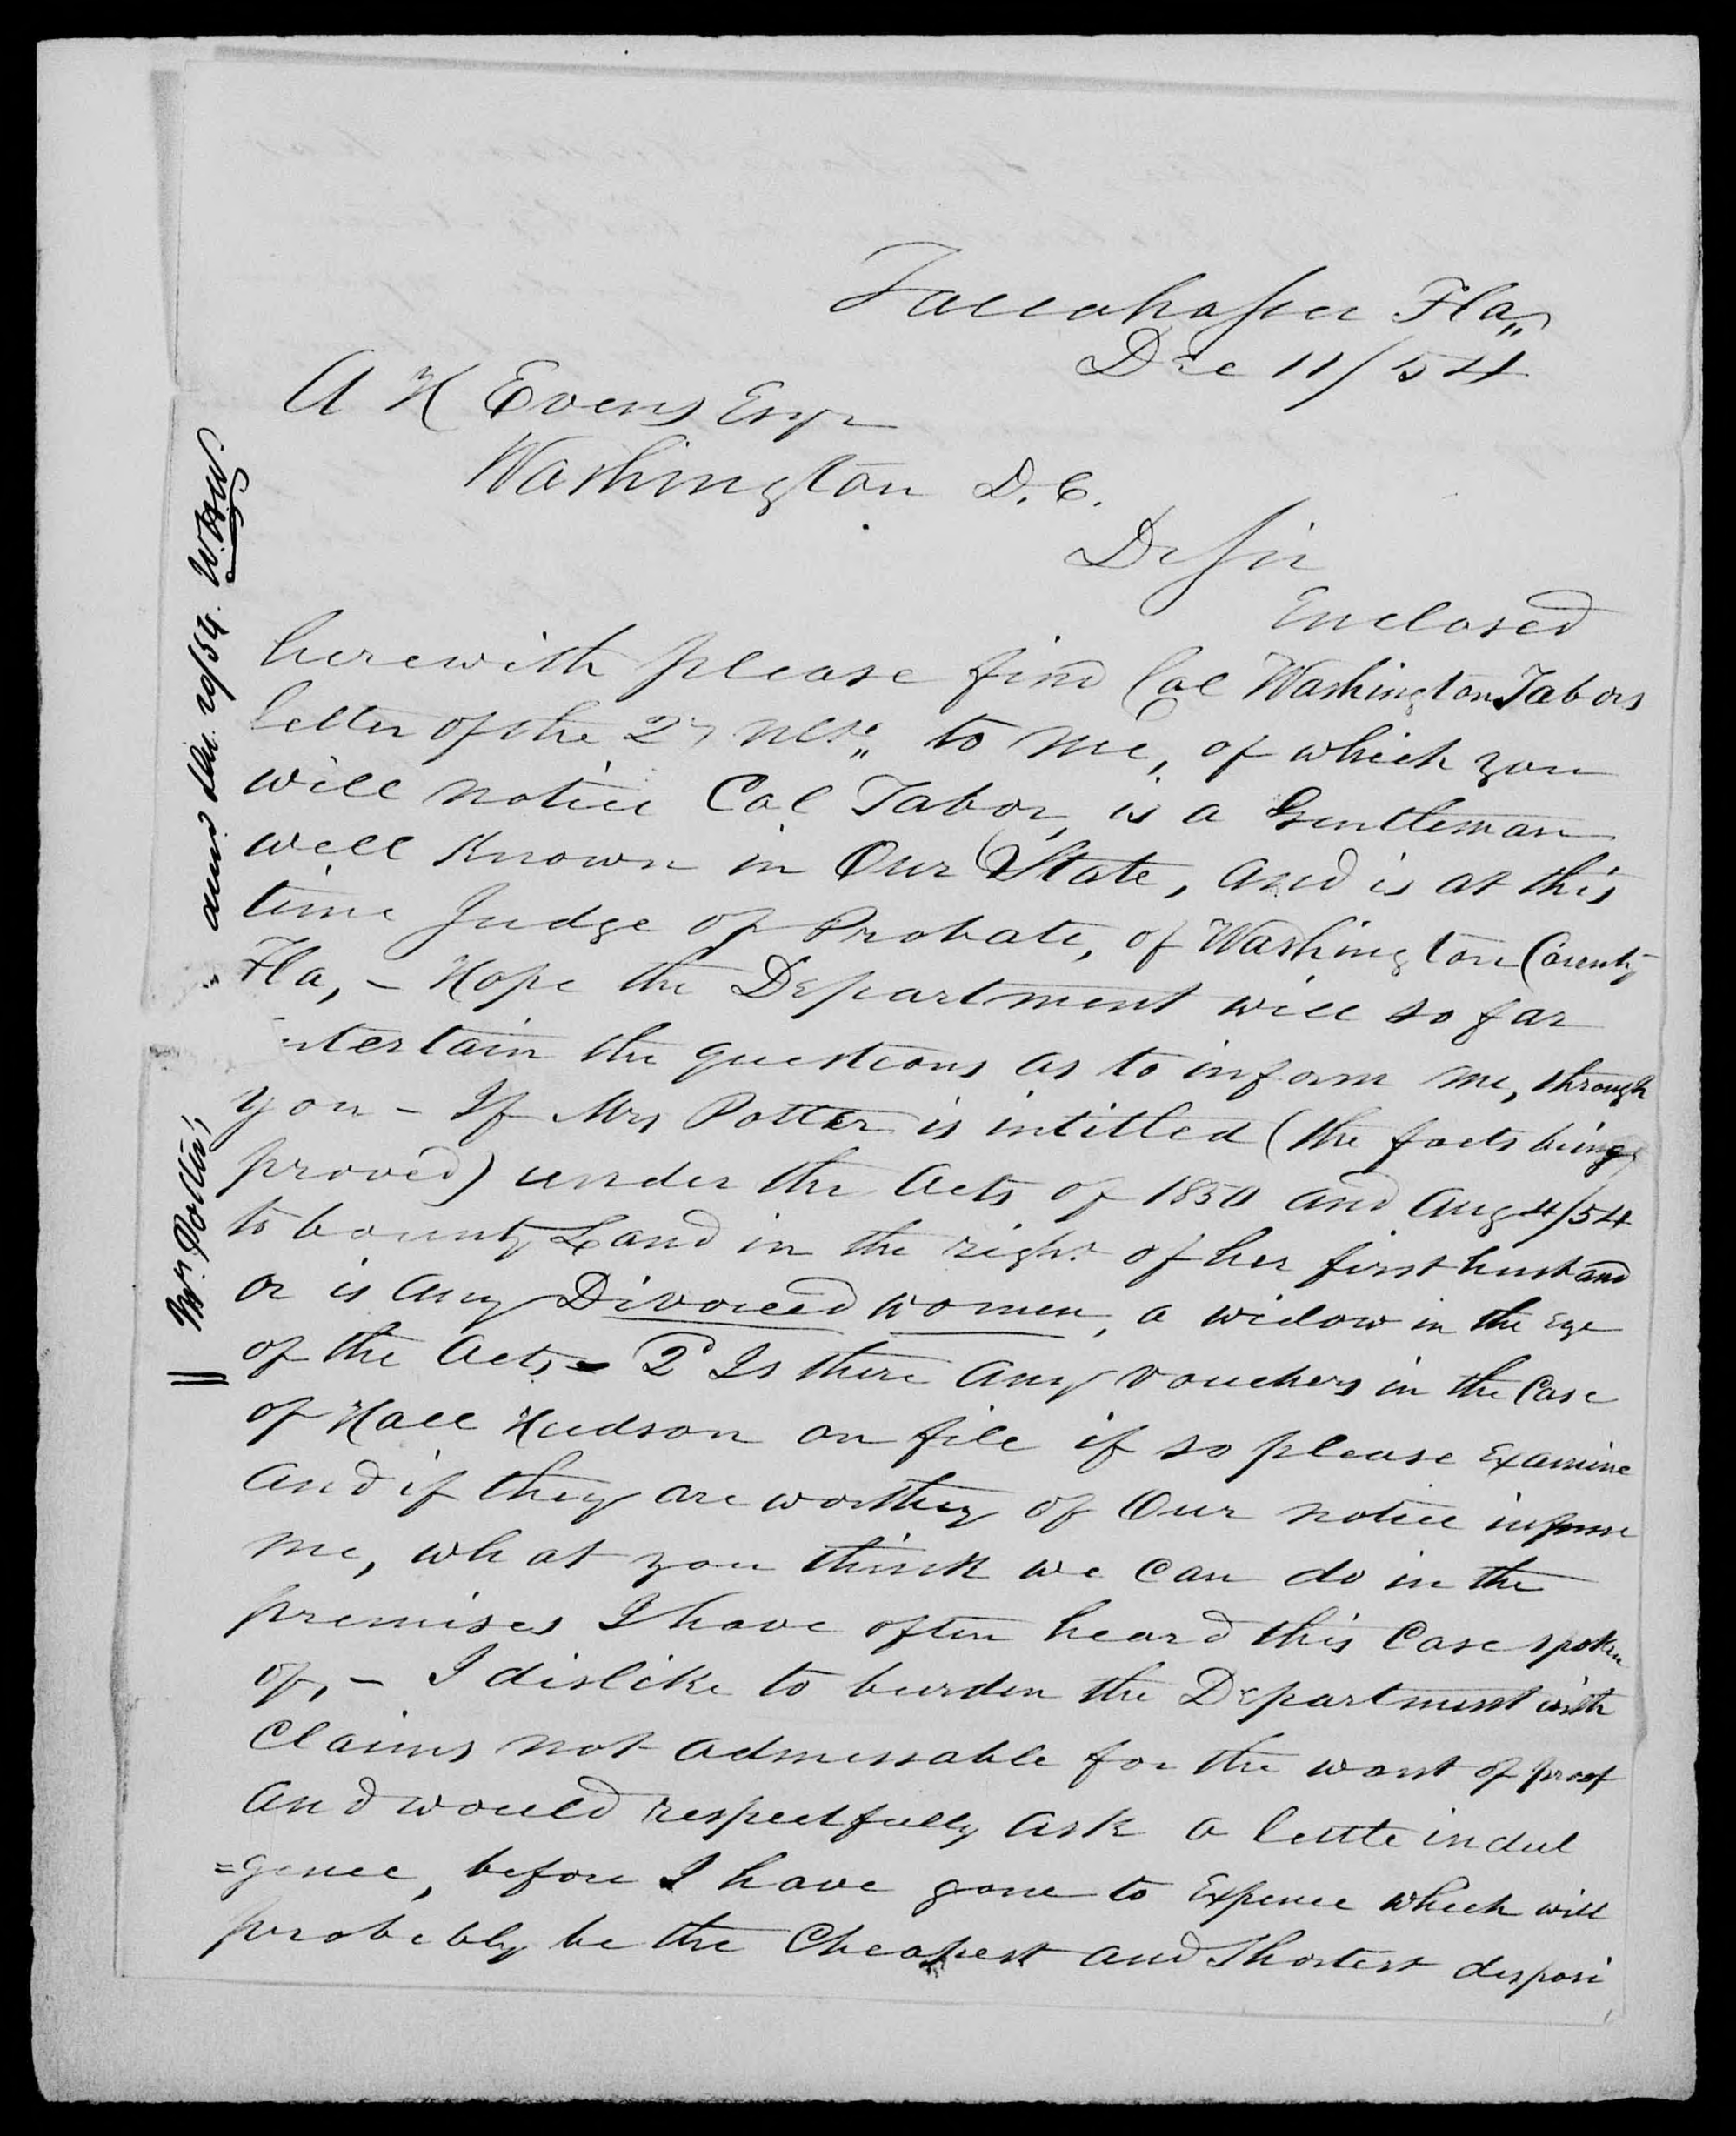Tallahassee Fla,
Dec 11/54

A H Evens Esq
Washington D. C.

Dr Sir
Enclosed
herewith please find Col Washington Tabors 
letter of the 27 Nov. to me, of which you
will notice Col Tabor, is a gentleman well known in Our State, and is at this
time Judge of Probate, of Washington County
Fla, _ Hope the Department will so far
entertain the questions as to inform me, through you - if Mrs Potter is intitled (the facts being
proved) under the 
Acts of 1850 and Aug 4/54
to bounty land in the right of her first husband
or is any divorced woman, a widow in the eye
of the Act, _ 2) Is there any vouchers in the case
of Hall Hudson on file if so please examine and if they are worthy of our notice inform
me, what you think we can do in the 
premises I have often heard this case spoken
of, - I dislike to burden the Department with
claims not admissable for the want of proof
and I would respectfully ask a little indulgence,
before I have gone to expense which will
probably be the cheapest and shortest dispose

[Note in left margin] [Illegible] Dec 20/54 W.H.W
[Illegible]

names: A H Evens, Potter, Washington Tabors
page: 13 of 14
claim: rejected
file: R. 4463, Hall Hudson, S.C.